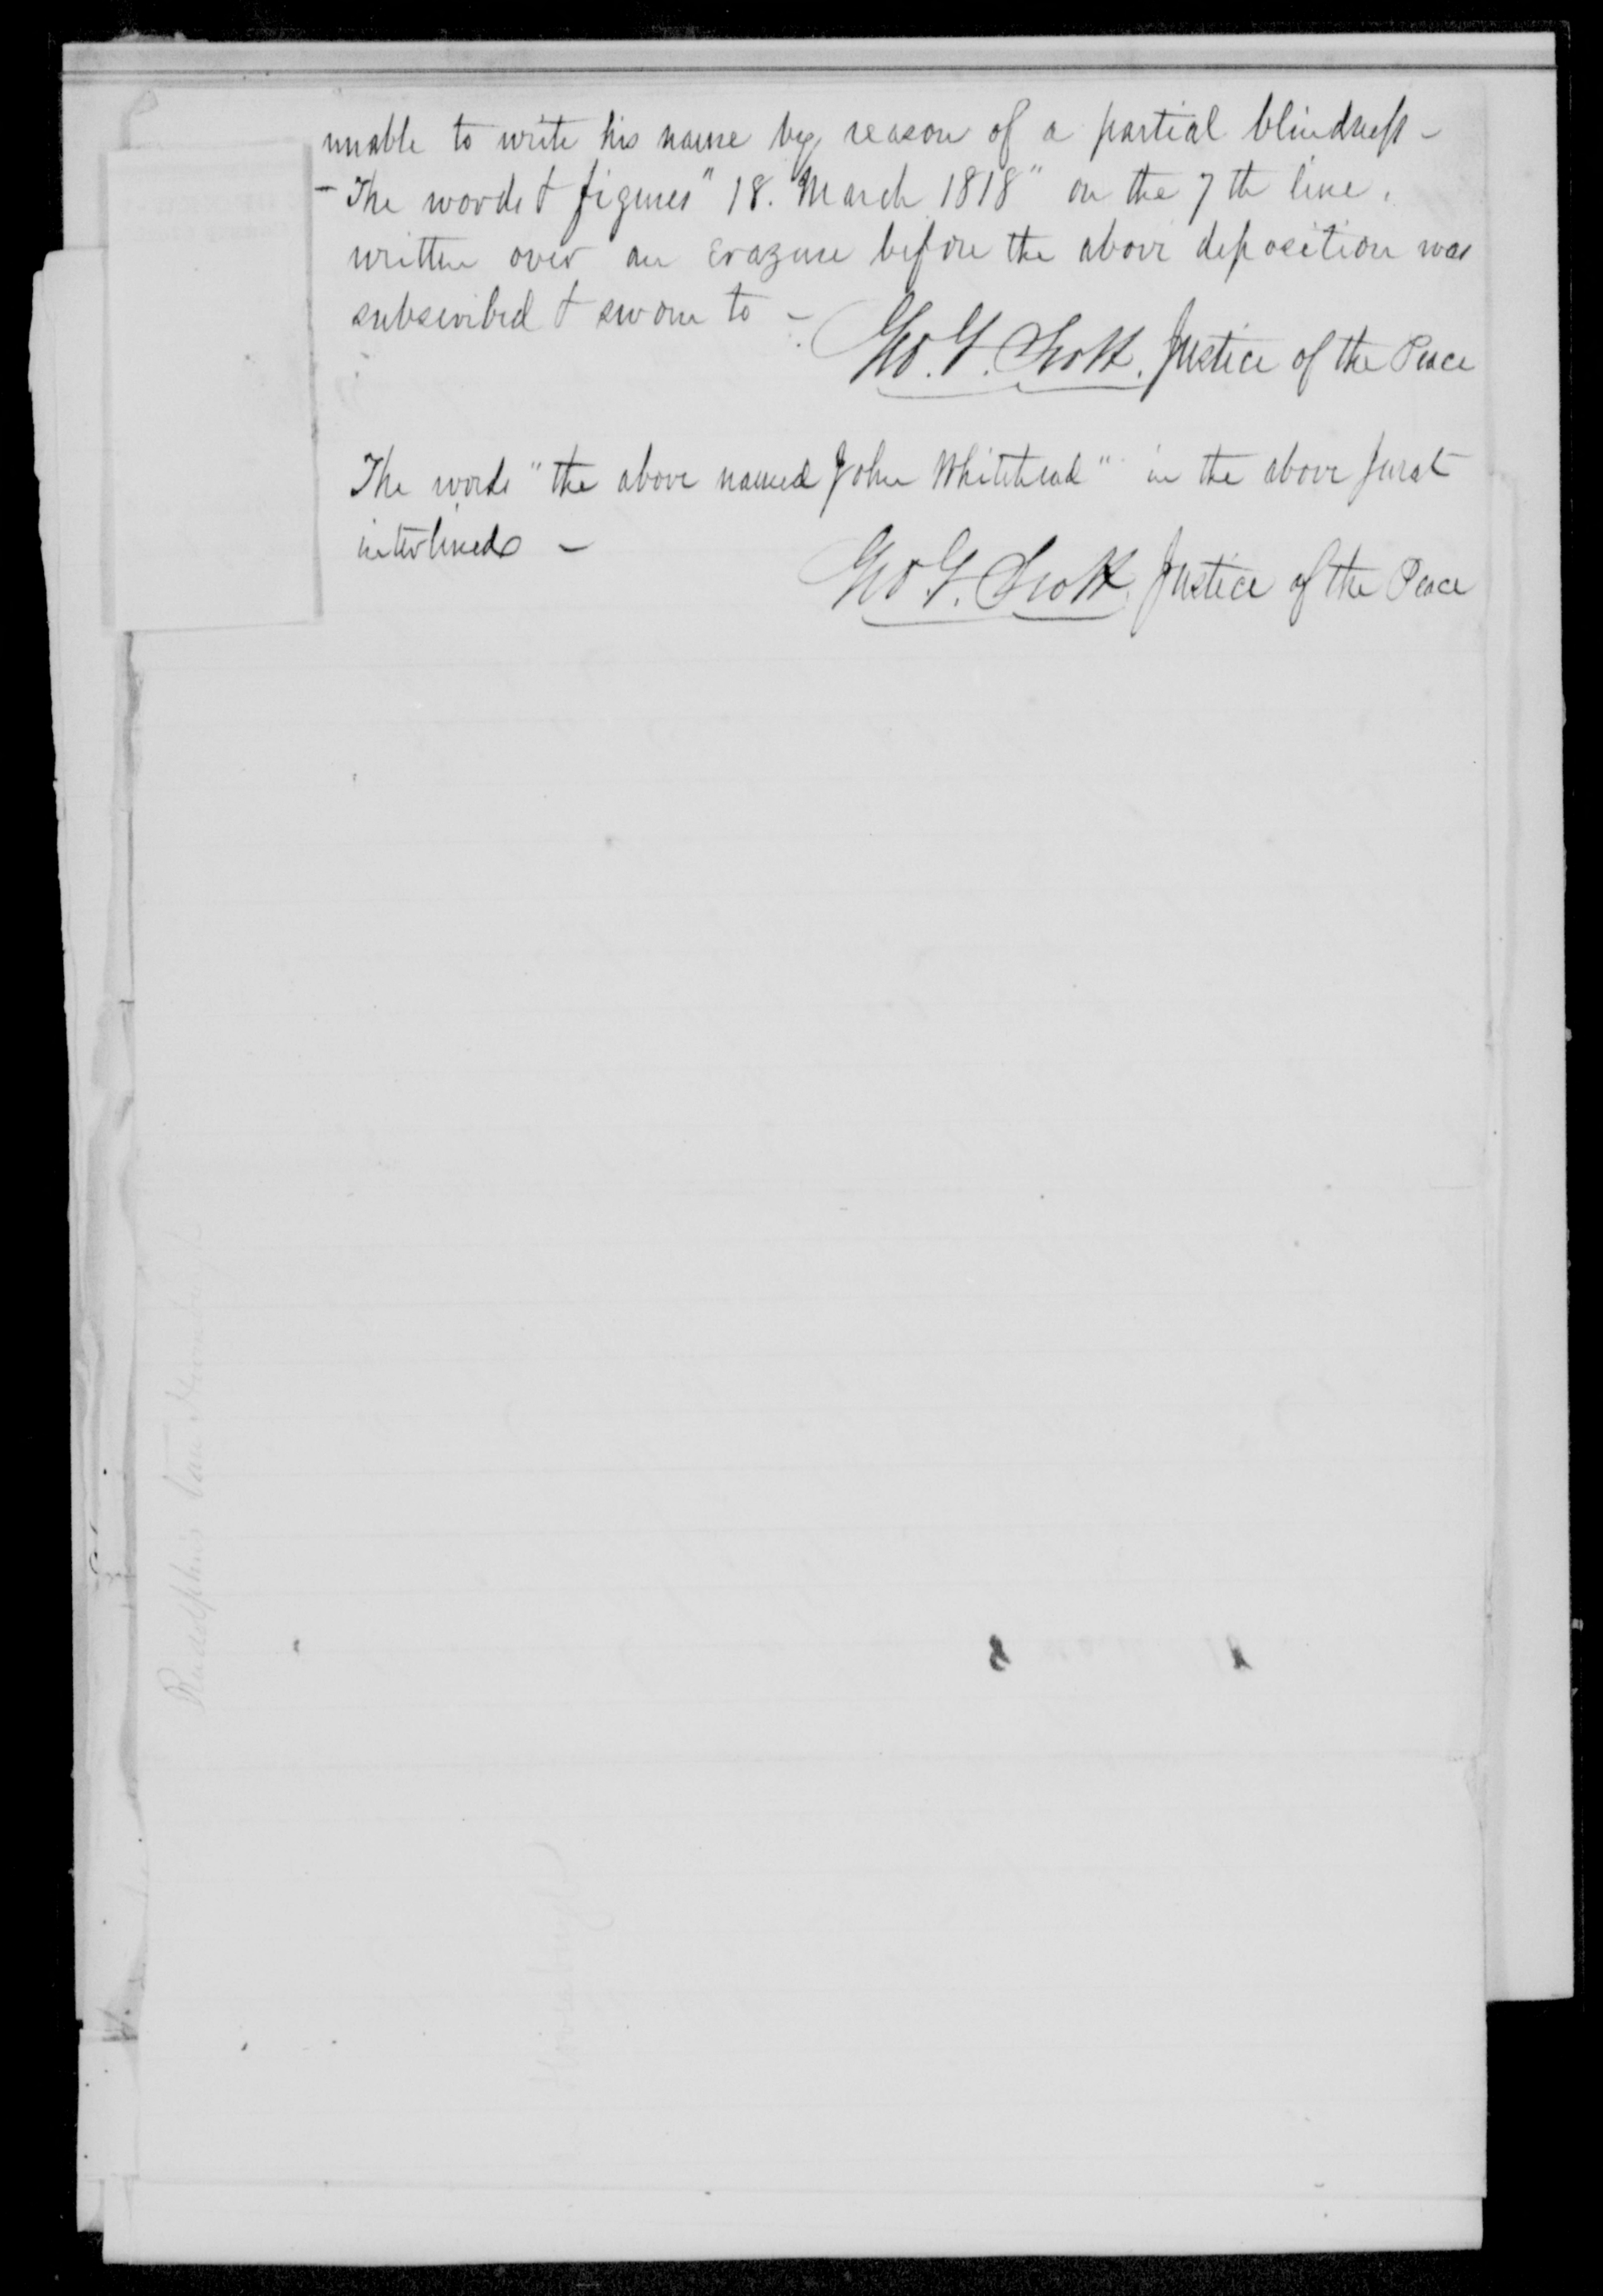unable to write his name by reason of a partial blindness-
The words & figures "18. March 1818" on the 7th line.
written over an erazure before the above deposition was
subscribed & sworn to-
Geo. G. Shoff, Justice of the Peace
The word "the above named John Whitehead" in the above Jurat interlined -
Geo. G. Scott, Justice of the Peace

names: Geo G Scott, John Whitehead, Geo G Scott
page: 9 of 38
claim: widow's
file: W. 23324, Rudolphus Van Hoevenbergh, New York